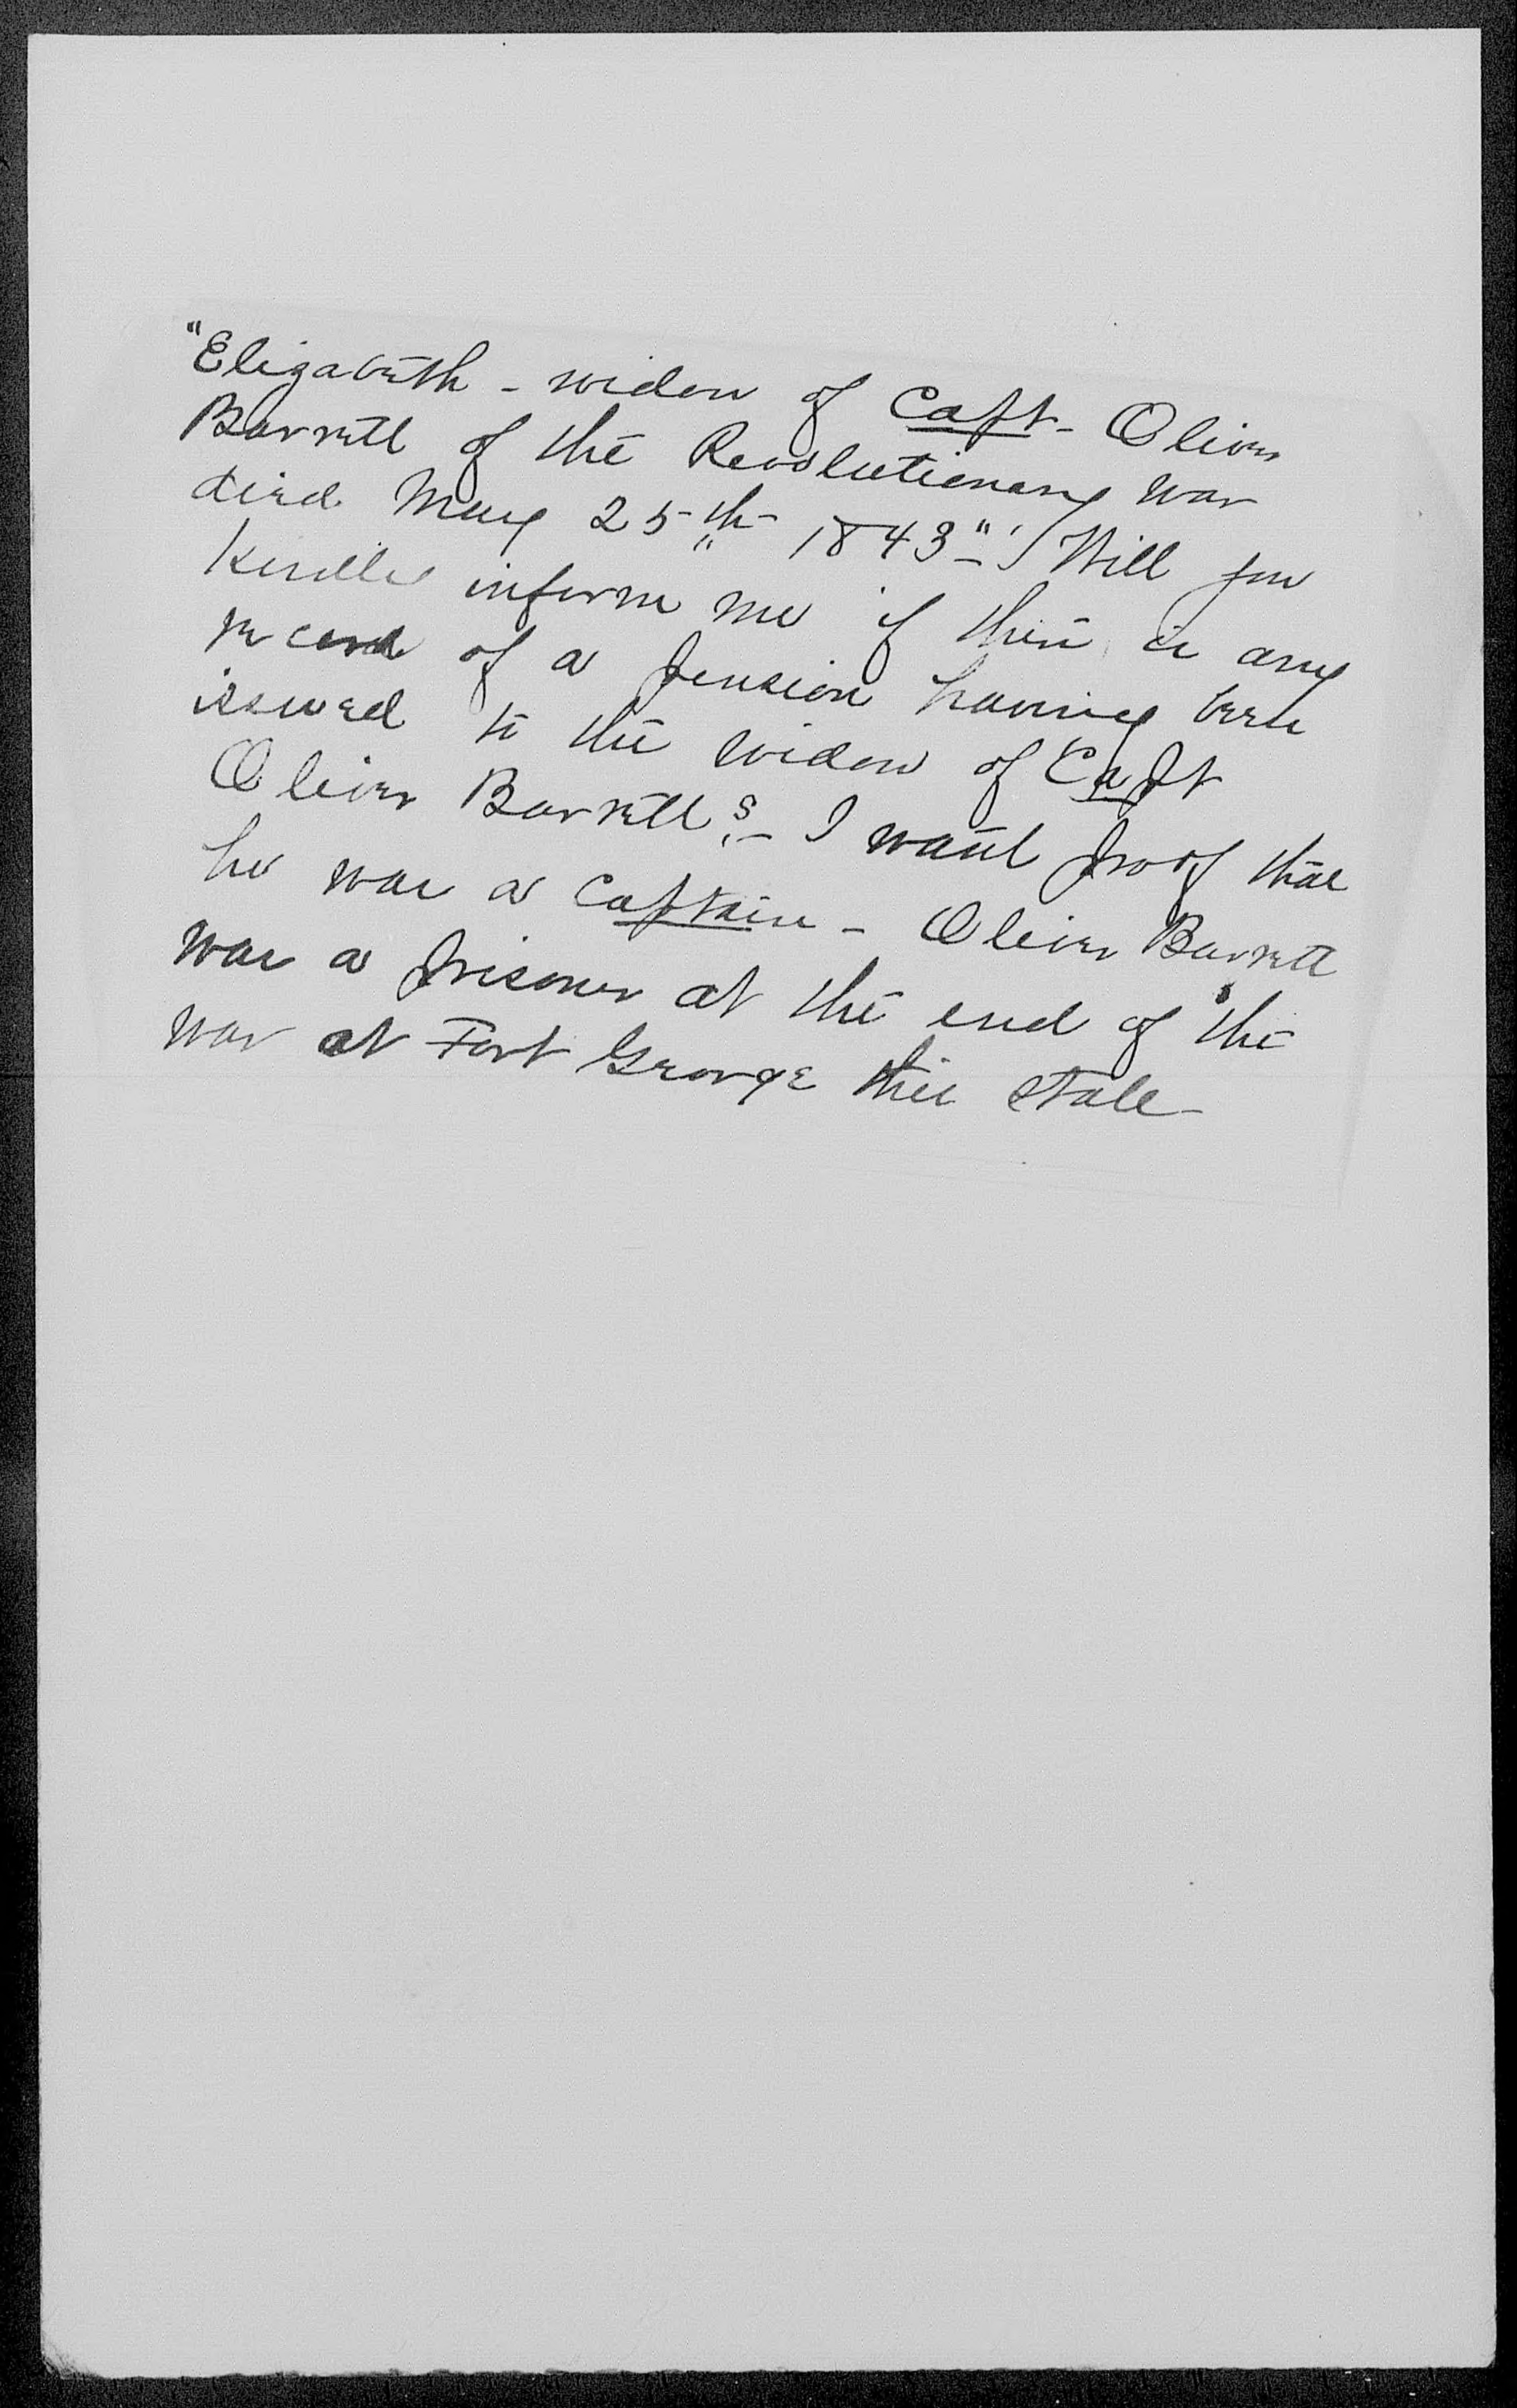" Elizabeth- widow of Capt. Oliver Barrett of the Revolutionary War died May 25th 1843" Will you kindly inform me if there is any record of a pension having been viewed to the widow of Capt. Oliver Barrett. I want proof that he was a Captain. Oliver Barrett was a prisoner at the end of the war at Fort Grange this state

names: Oliver Barrett, Elizabeth, Oliver Barrett, Oliver Barrett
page: 71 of 83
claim: widow's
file: W. 10,384, Oliver Barrett, Continental (Vt.) N.Y.